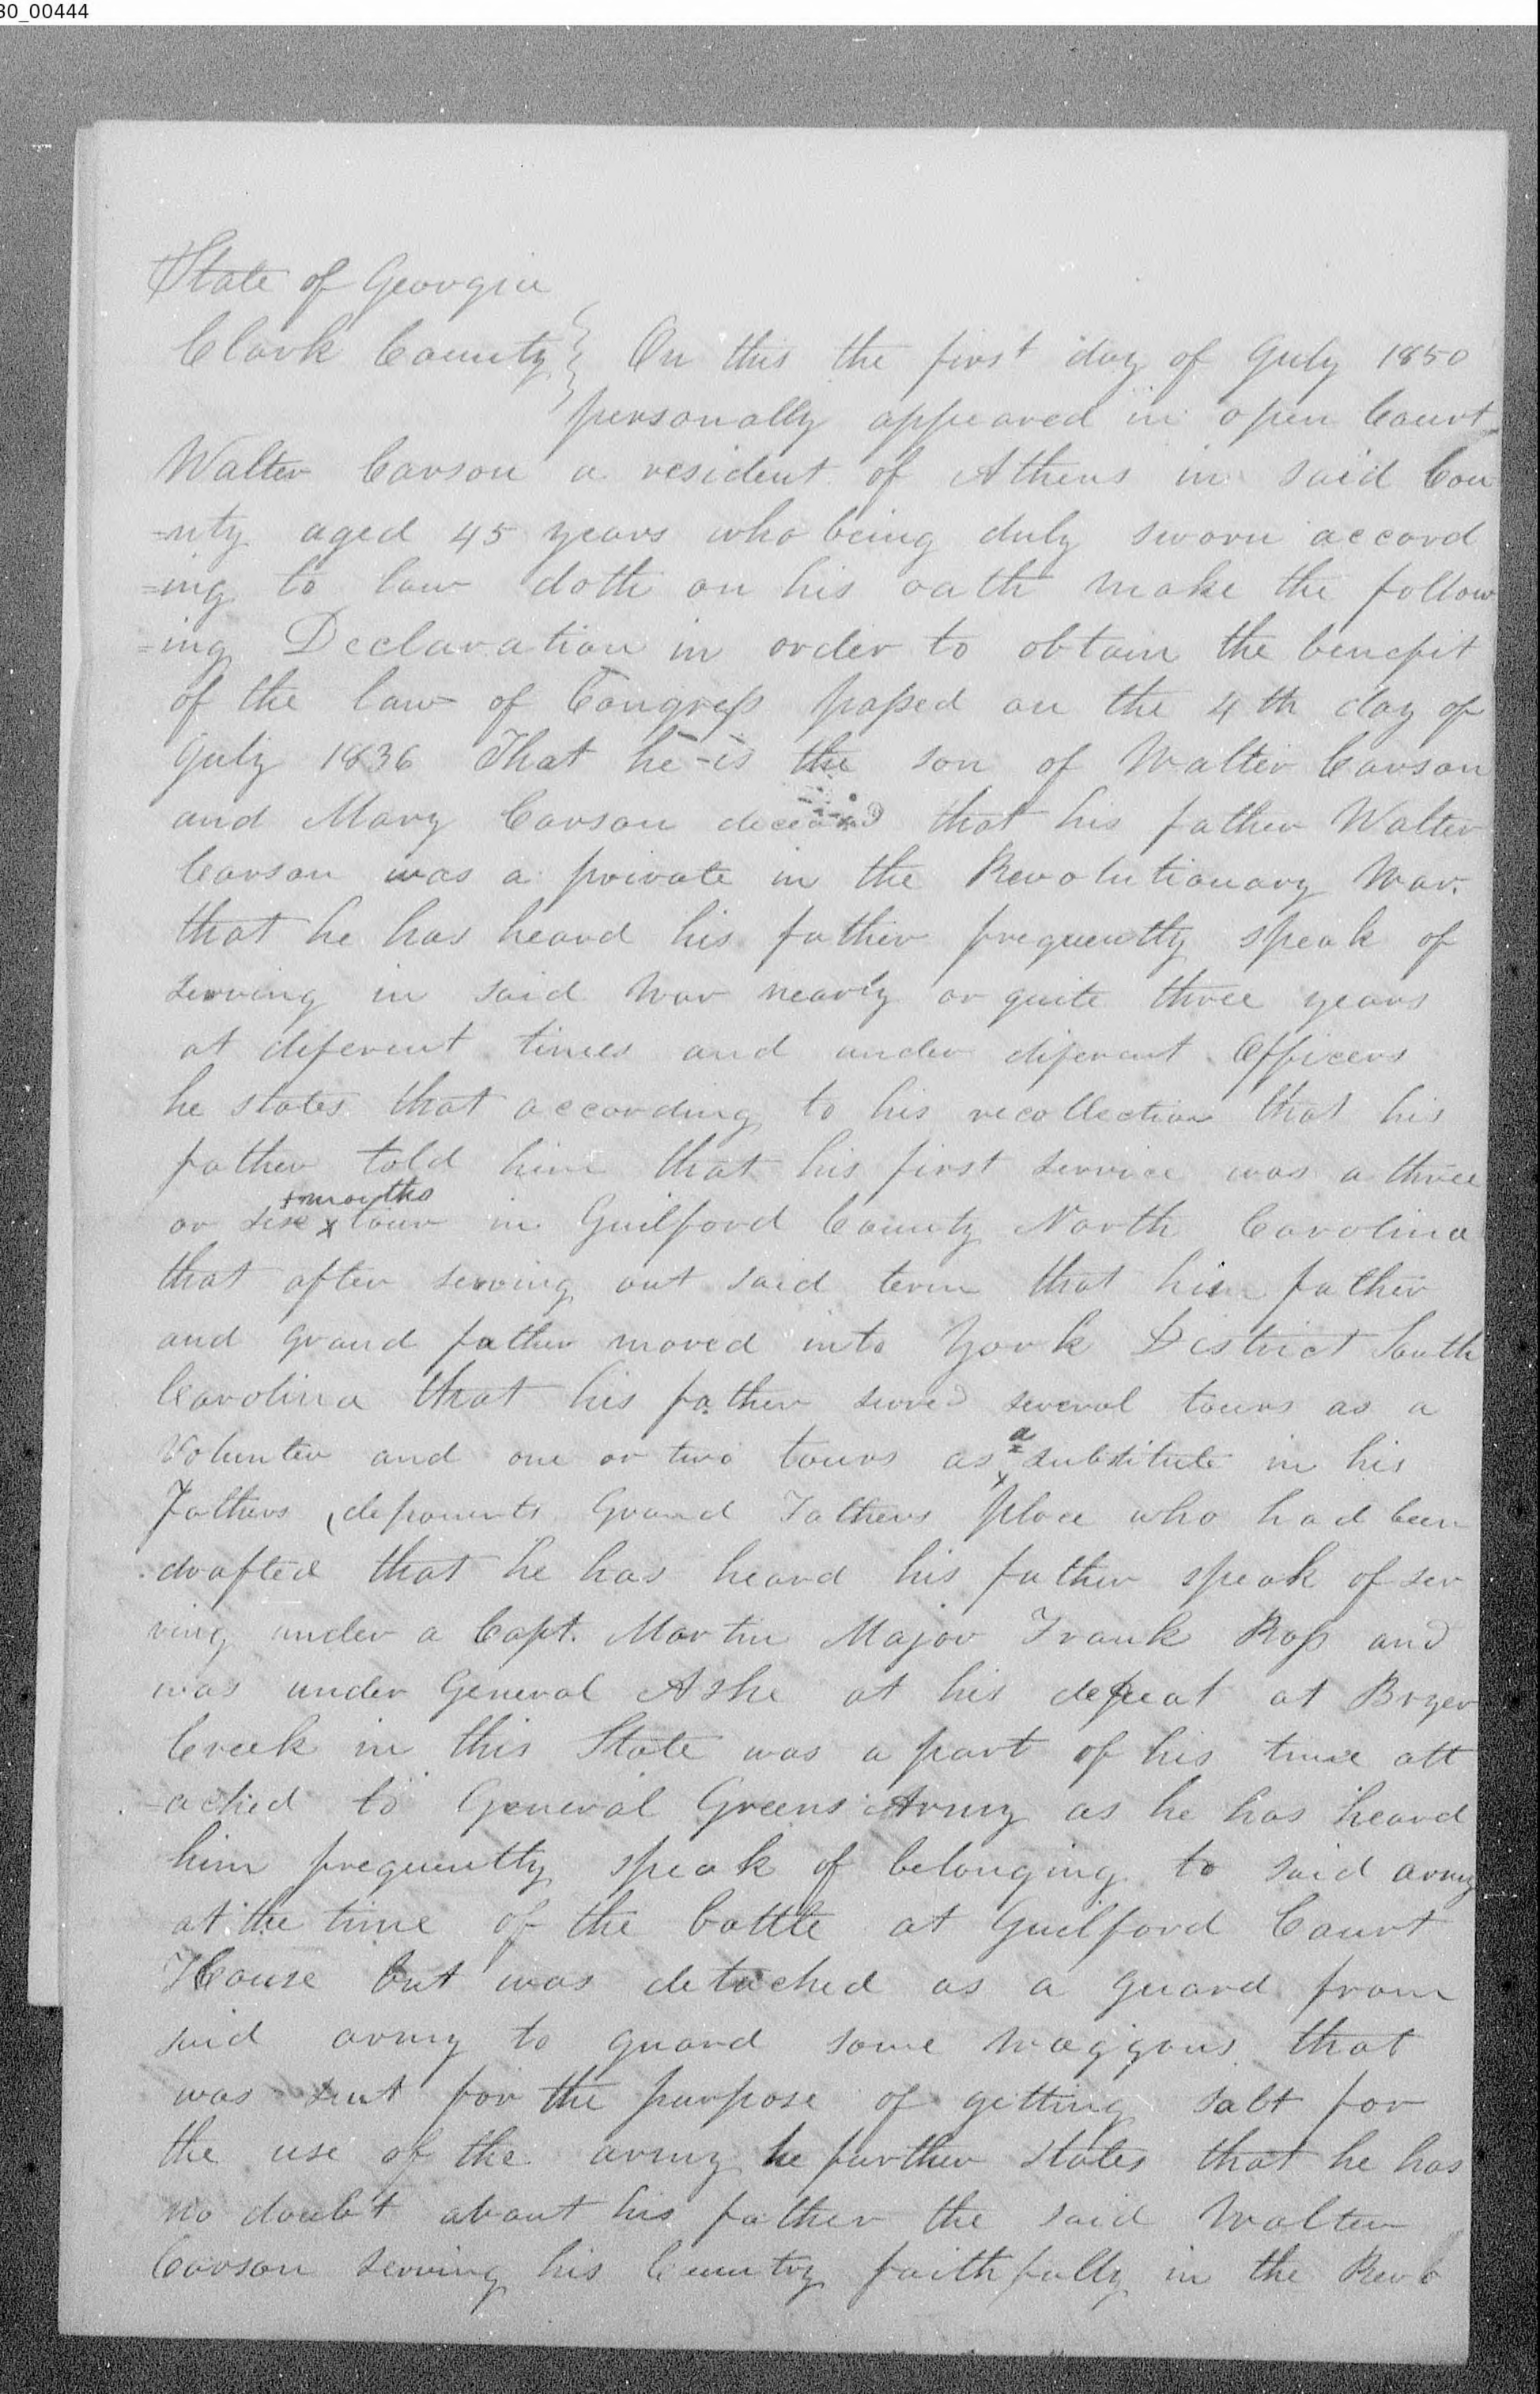State of Georgia
Clark County
On this the first day of July 1850 personally appeared in open Court Walter Carson a resident of Athens in said County aged 45 years who being duly sworn according to law doth on his oath make the following Declaration in order to obtain the benefit of the law of Congress passed on the 4th day of July 1836 That he is the son of Walter Carson and Mary Carson deceased that his father Walter Carson was a private in the Revolutionary War. that he has heard his father frequently speak of serving in said war nearly or quite three years at diferent times and under diferent officers he states that according to his recollection that his father told him that his first service was a three or six months tour in Guilford County North Carolina that after serving out said term that his father and grand father moved into York District South Carolina that his father served several tours as a Volunter and one or two tours as a substitute in his fathers deponents Grand Fathers place who had been drafted that he has heard his father speak of serving under a Capt. Martin Major Frank Ross and was under General Ashe at his defeat at Bryer [Briar] Creek in this State was a part of his time attached to General Greens Army as he has heard him frequently speak of belonging to said army at the time of the battle at Guilford Court House but was detached as a guard from said army to guard some waggons that was sent for the purpose of getting salt for the use of the army he further states that he has no doubt about his father the said Walter Carson serving his Country faithfully in the Revo[lutionary]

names: Walter Carson, Mary Carson, Walter Carson, Walter Carson, Frank Ross, Martin, Walter Carson, Ashe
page: 8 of 34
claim: rejected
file: R. 1,738, Walter Carson, N.C. S.C.